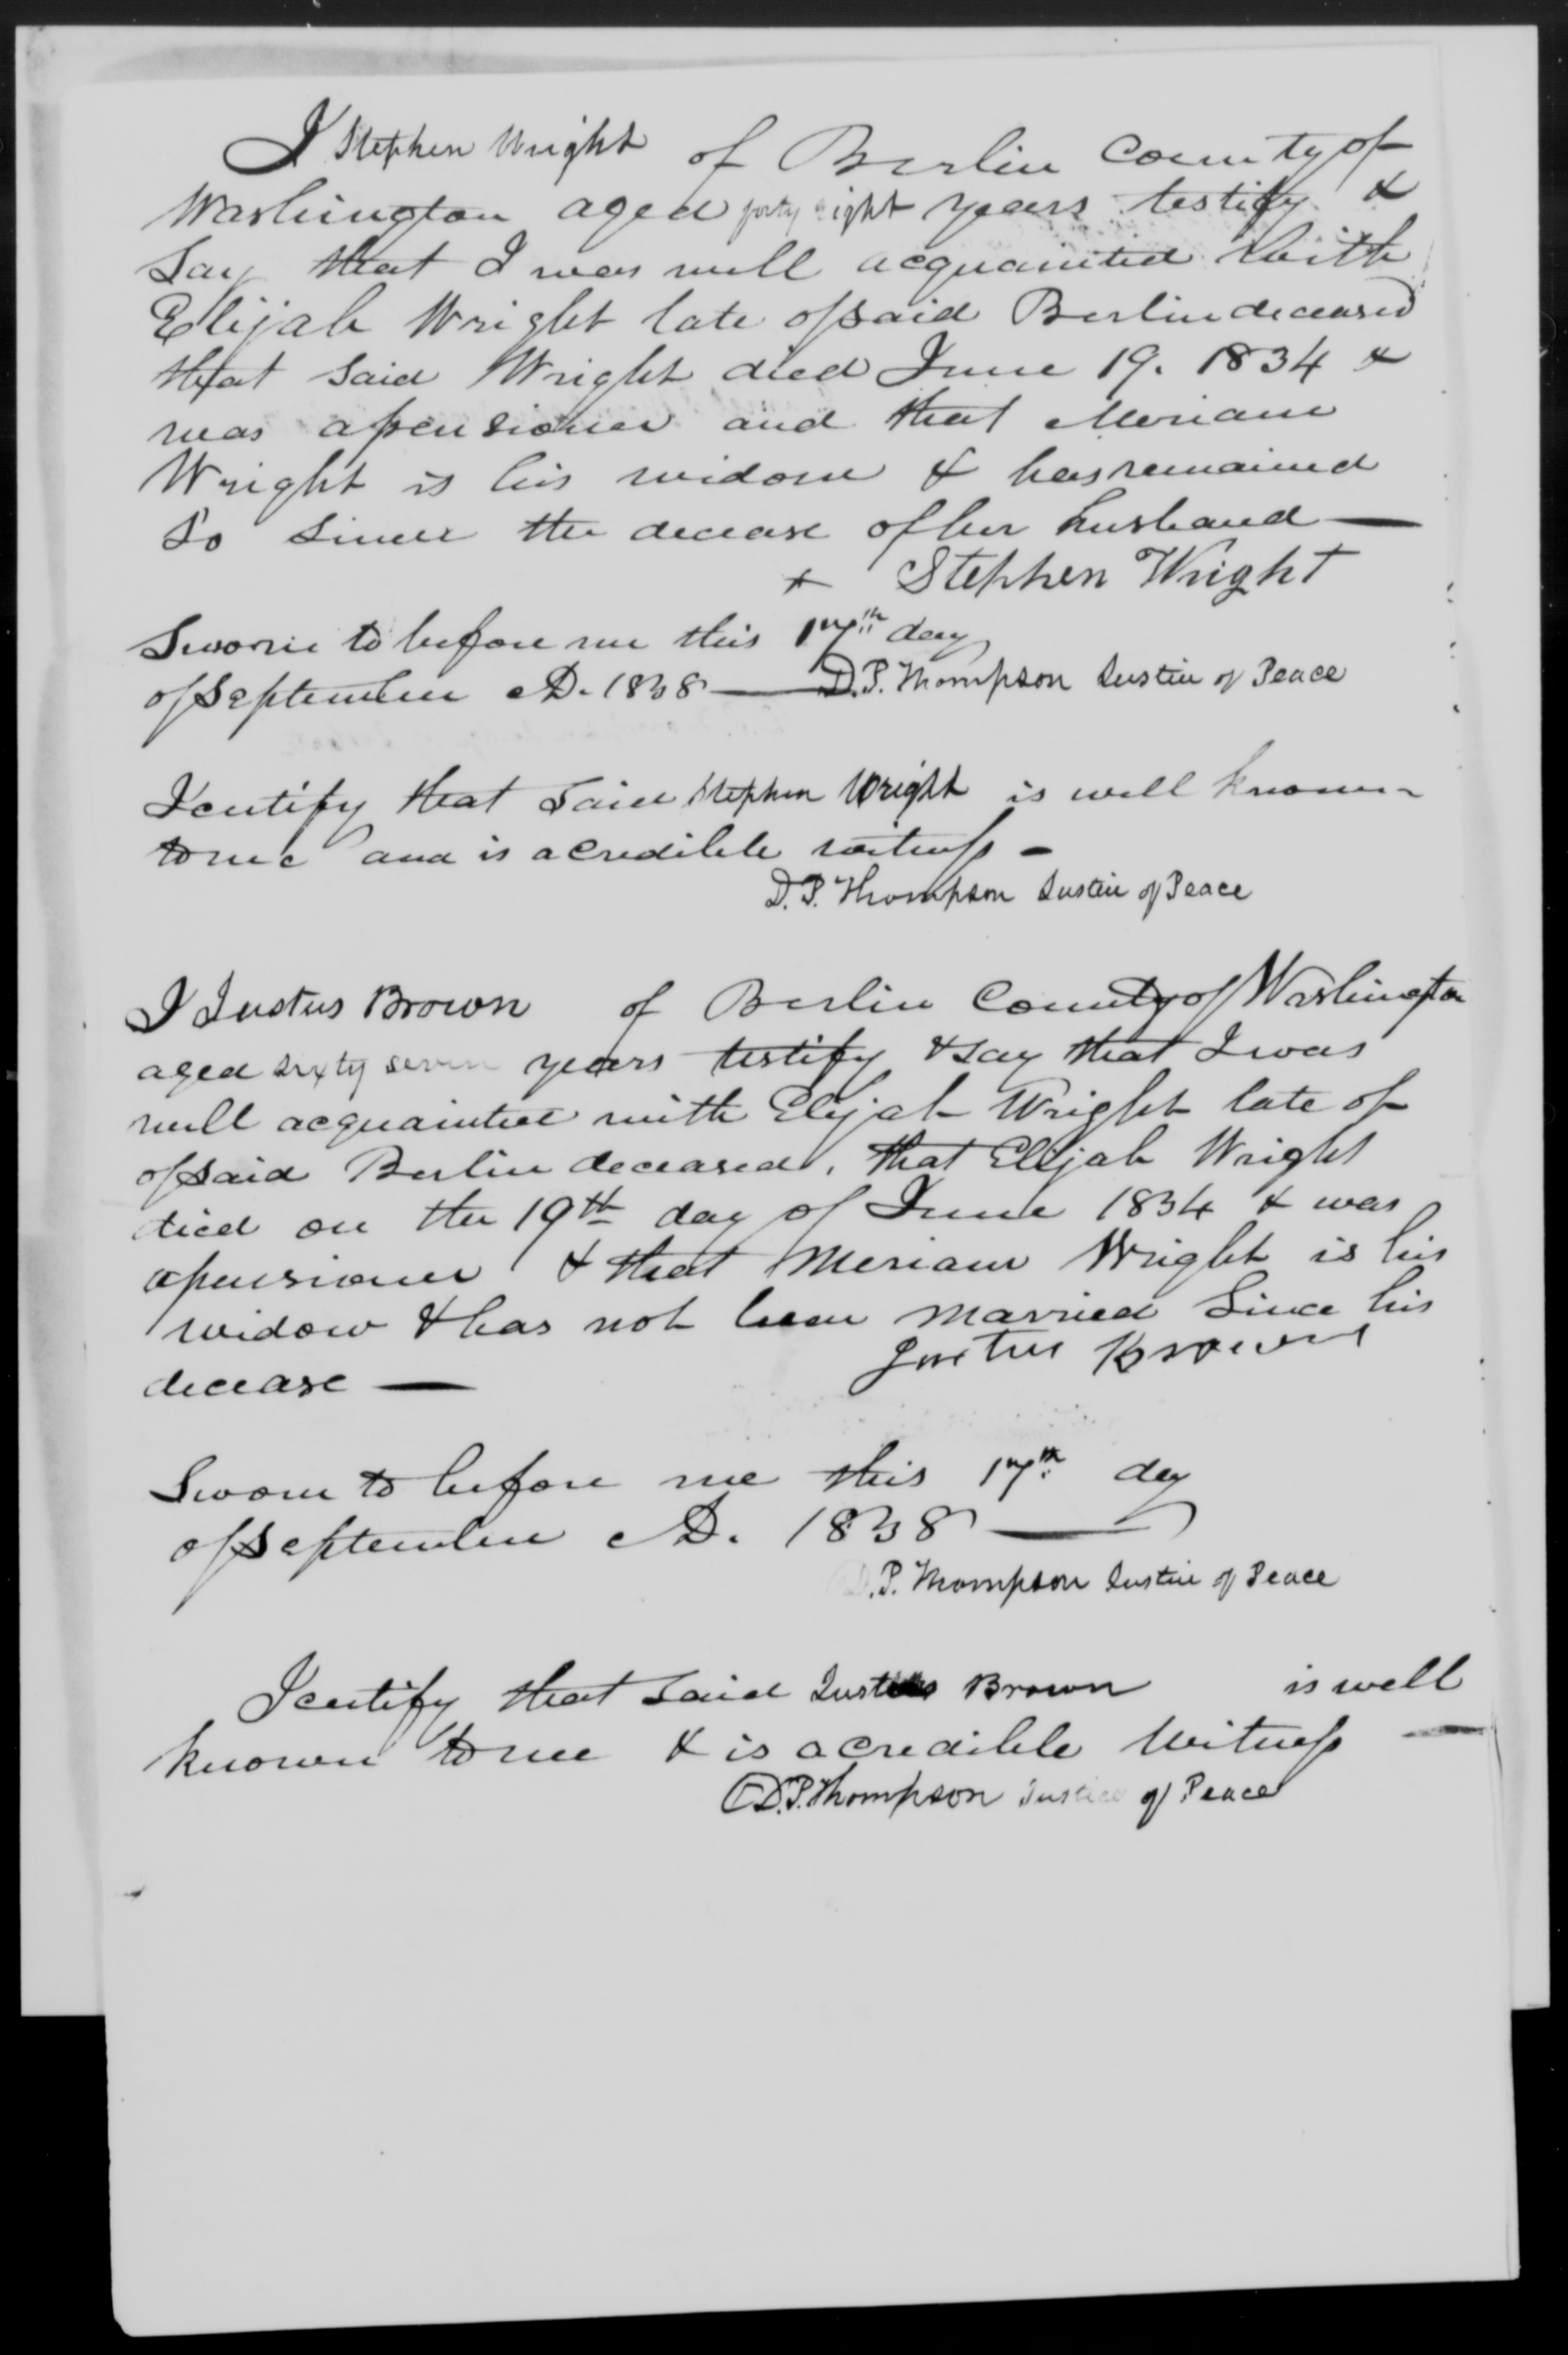I Stephen Wright of Berlin County of
Washington aged forty eight years testify & say that I was well acquainted with Elijah Wright late of said Berlin deceased that said Wright died June 19, 1834 & was a pensioner and that Meriam Wright is his widow & has remained
so since the decease of her husband-
Stephen Wright
Sworn to before me this 17th day of September AD. 1838- D. P. Thompson Justice of Peace
I certify that said Stephen Wright is well known
to me and is a credible witness-
D.P. Thompson Justice of Peace
I Justus Brown of Berlin County of Washington
aged sixty seven years testify & say that I was
well acquainted with Elijah Wright late
of said Berlin deceased, that Elijah Wright
died on the 19th day of June 1834 & was a
pensioner & that Meriam Wright is his widow & has not been married since his decease---
Justus Brown
Sworn to before me this 17th day of September AD. 1838-
D. P. Thompson Justice of Peace
I certify that said Justus Brown is known to me & is a credible witness----
D. P. Thompson Justice of Peace


of
1
as
is his
his
1
well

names: Meriam Wright, Justus Brown, Stephen Wright, Elijah Wright, D P Thompson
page: 15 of 26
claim: widow's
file: W. 26,137, Elijah Wright, N.H.